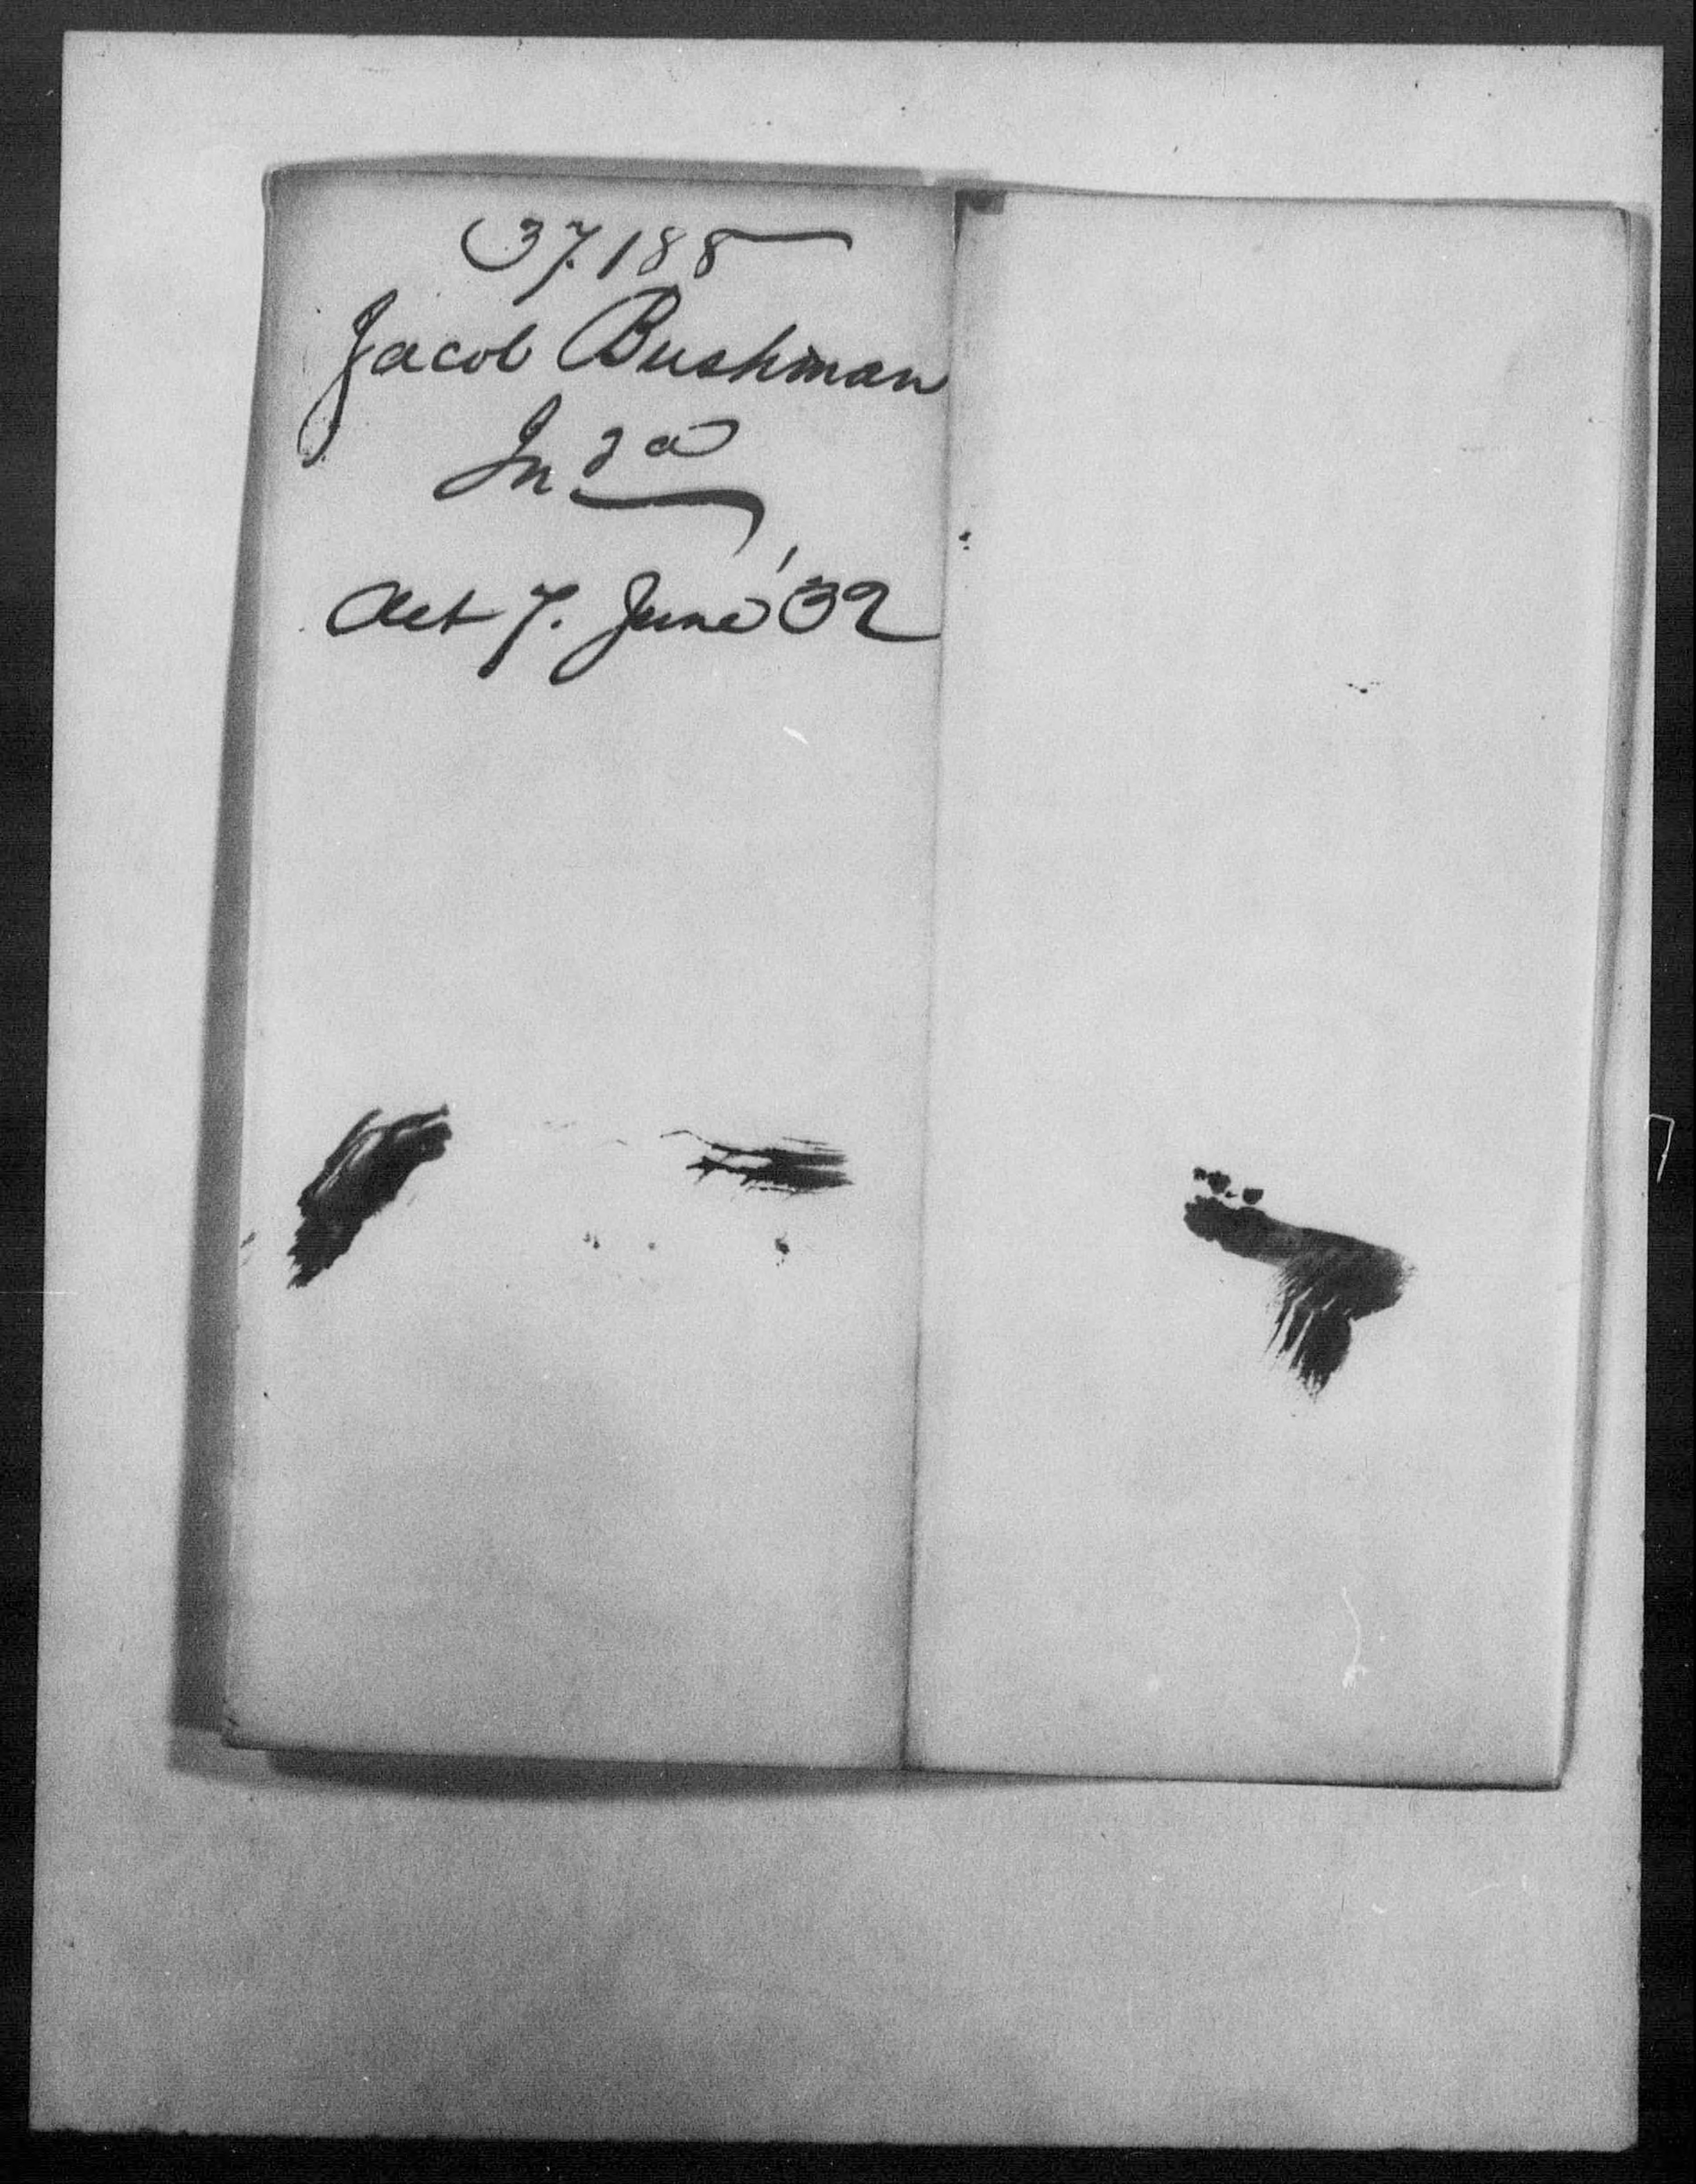37.188
Jacob Bushman
Inda
Act 7. June '32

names: Jacob Bushman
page: 7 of 8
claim: rejected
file: R. 1535, Jacob Bushman, Md